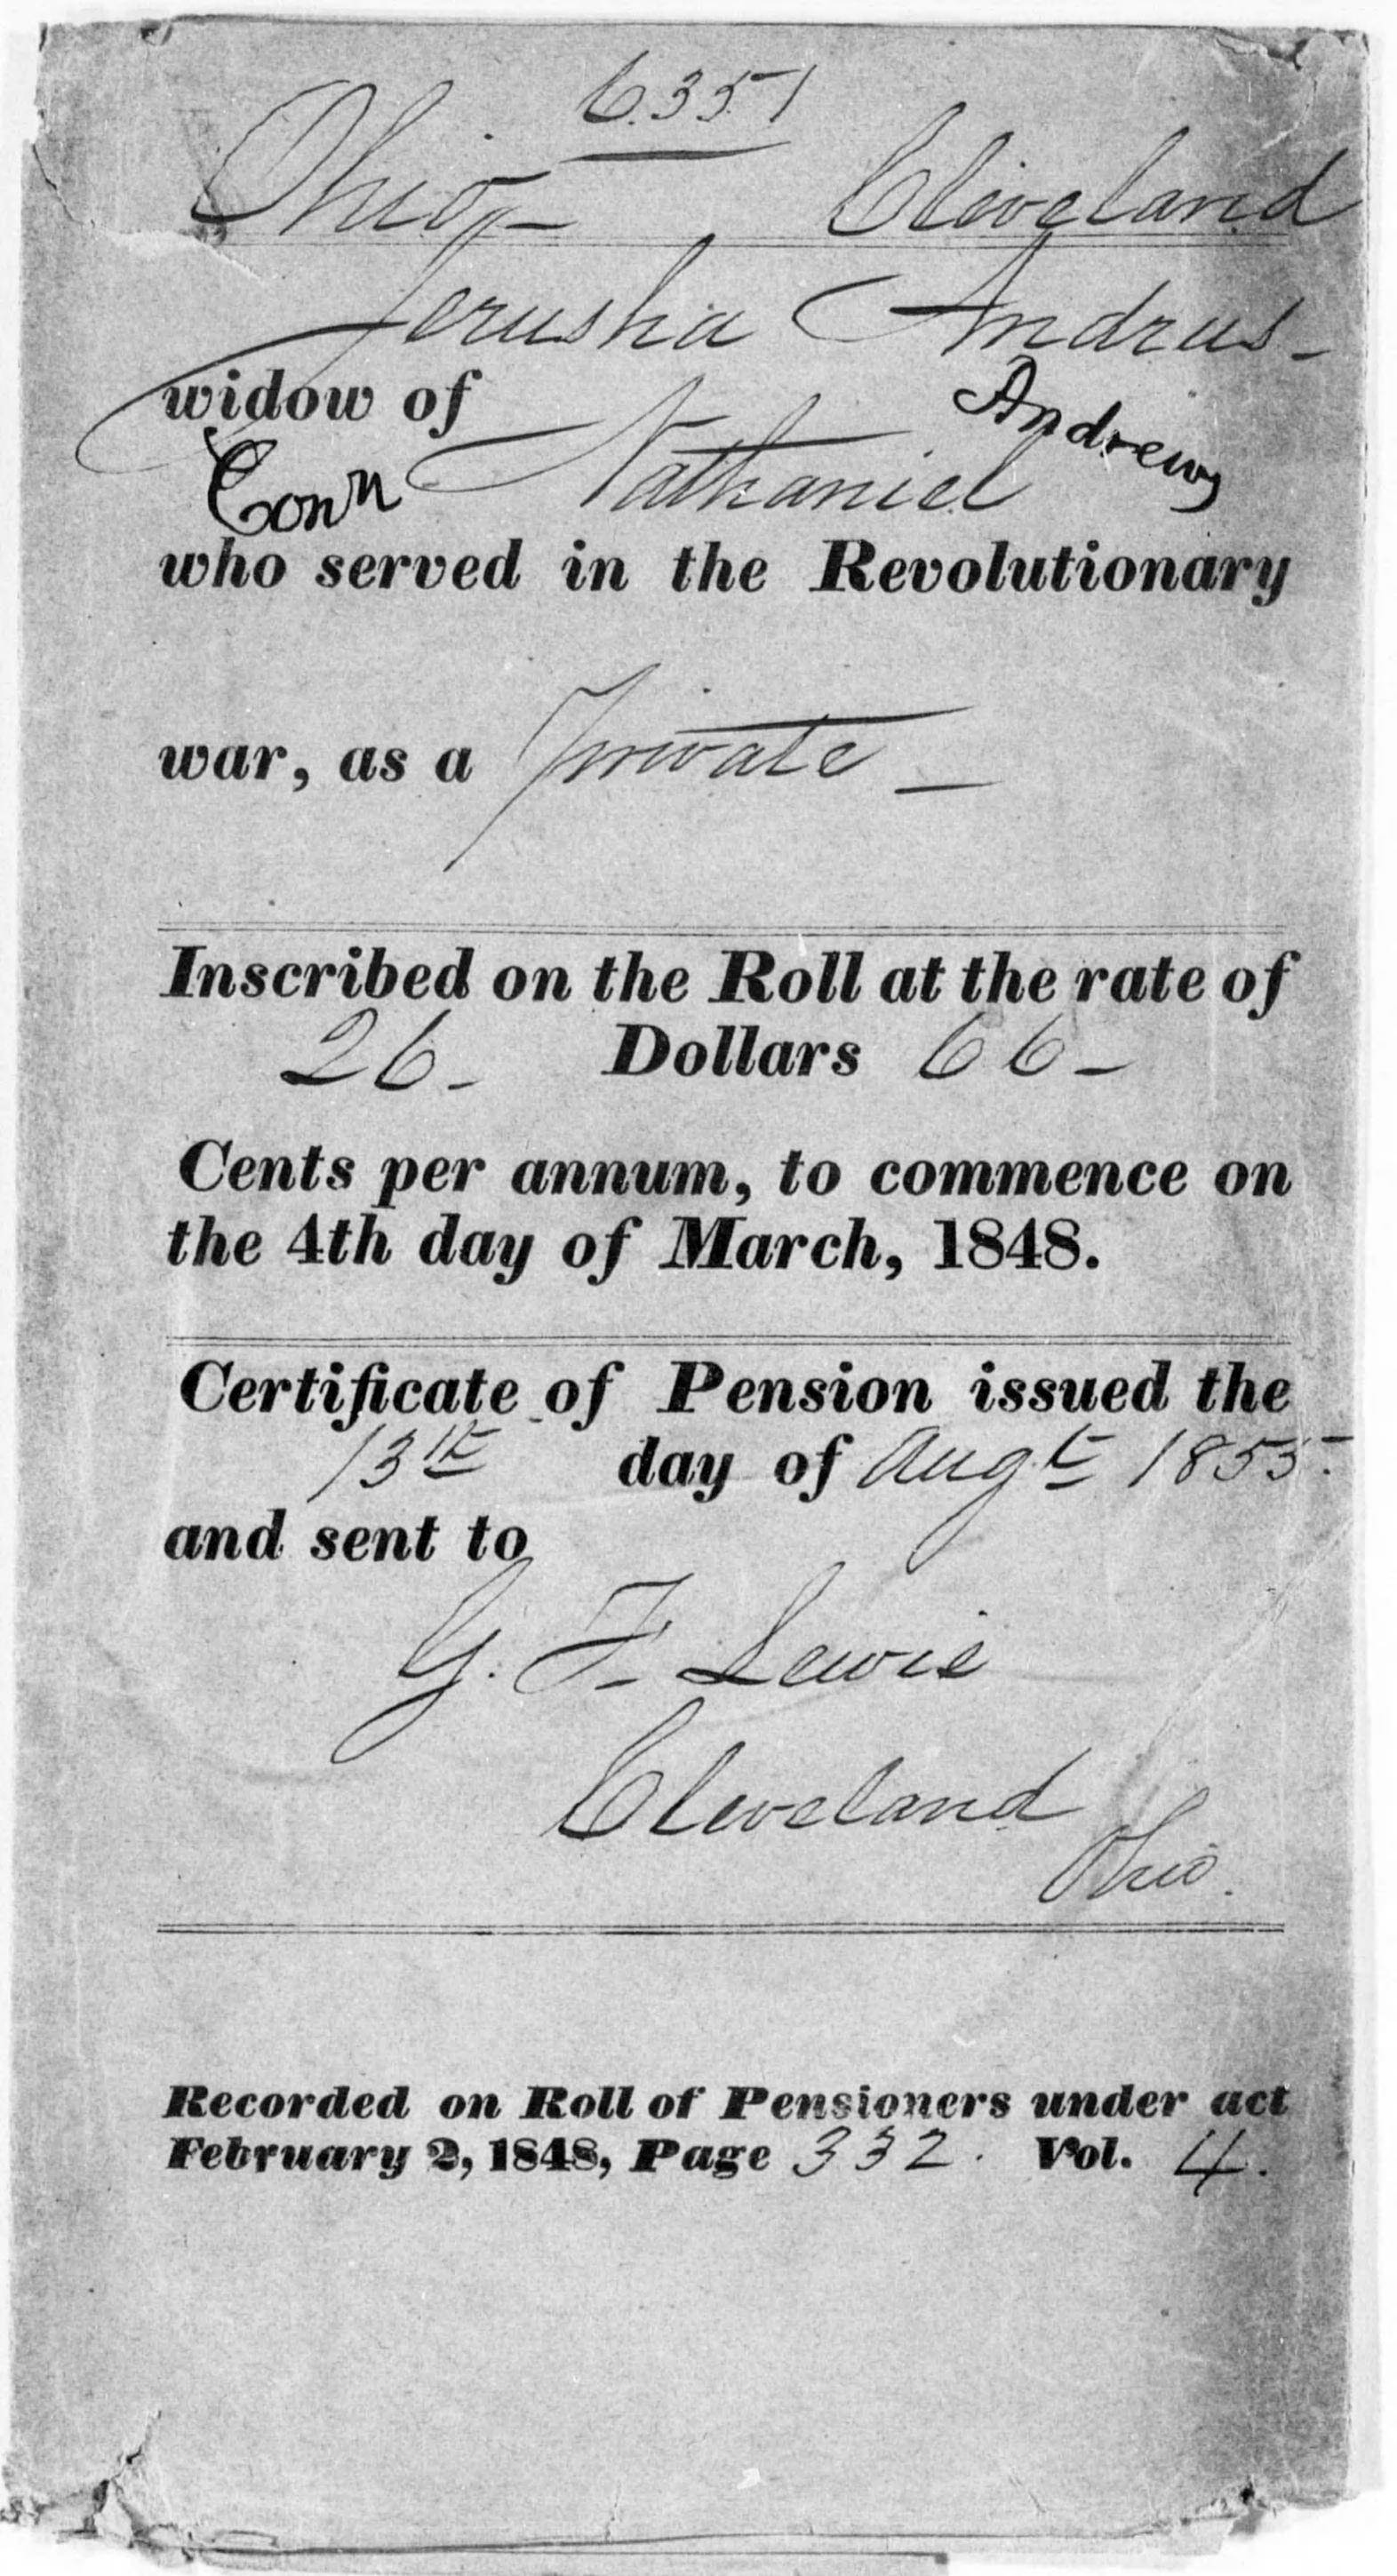6.351
Ohio Cleveland
Jerusha Andrews
widow of
Nathaniel Andrews
Conn
who served in the Revolutionary 
war, as a private
Inscribed on the Roll at the rate of
26 Dollars 66
Cents per annum, to commence on
the 4th day of March, 1848.
Certificate of Pension issued the
13th day of Augt 1855
and sent to
G. F. Lewis
Cleveland
Ohio
Recorded on Roll of Pensioners under act
February 2, 1848, Page 332. Vol. 4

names: Jerusha Andrus, G F Lewis, Nathaniel Andrews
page: 6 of 78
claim: widow's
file: W. 4117, Nathaniel Bradley, Conn.